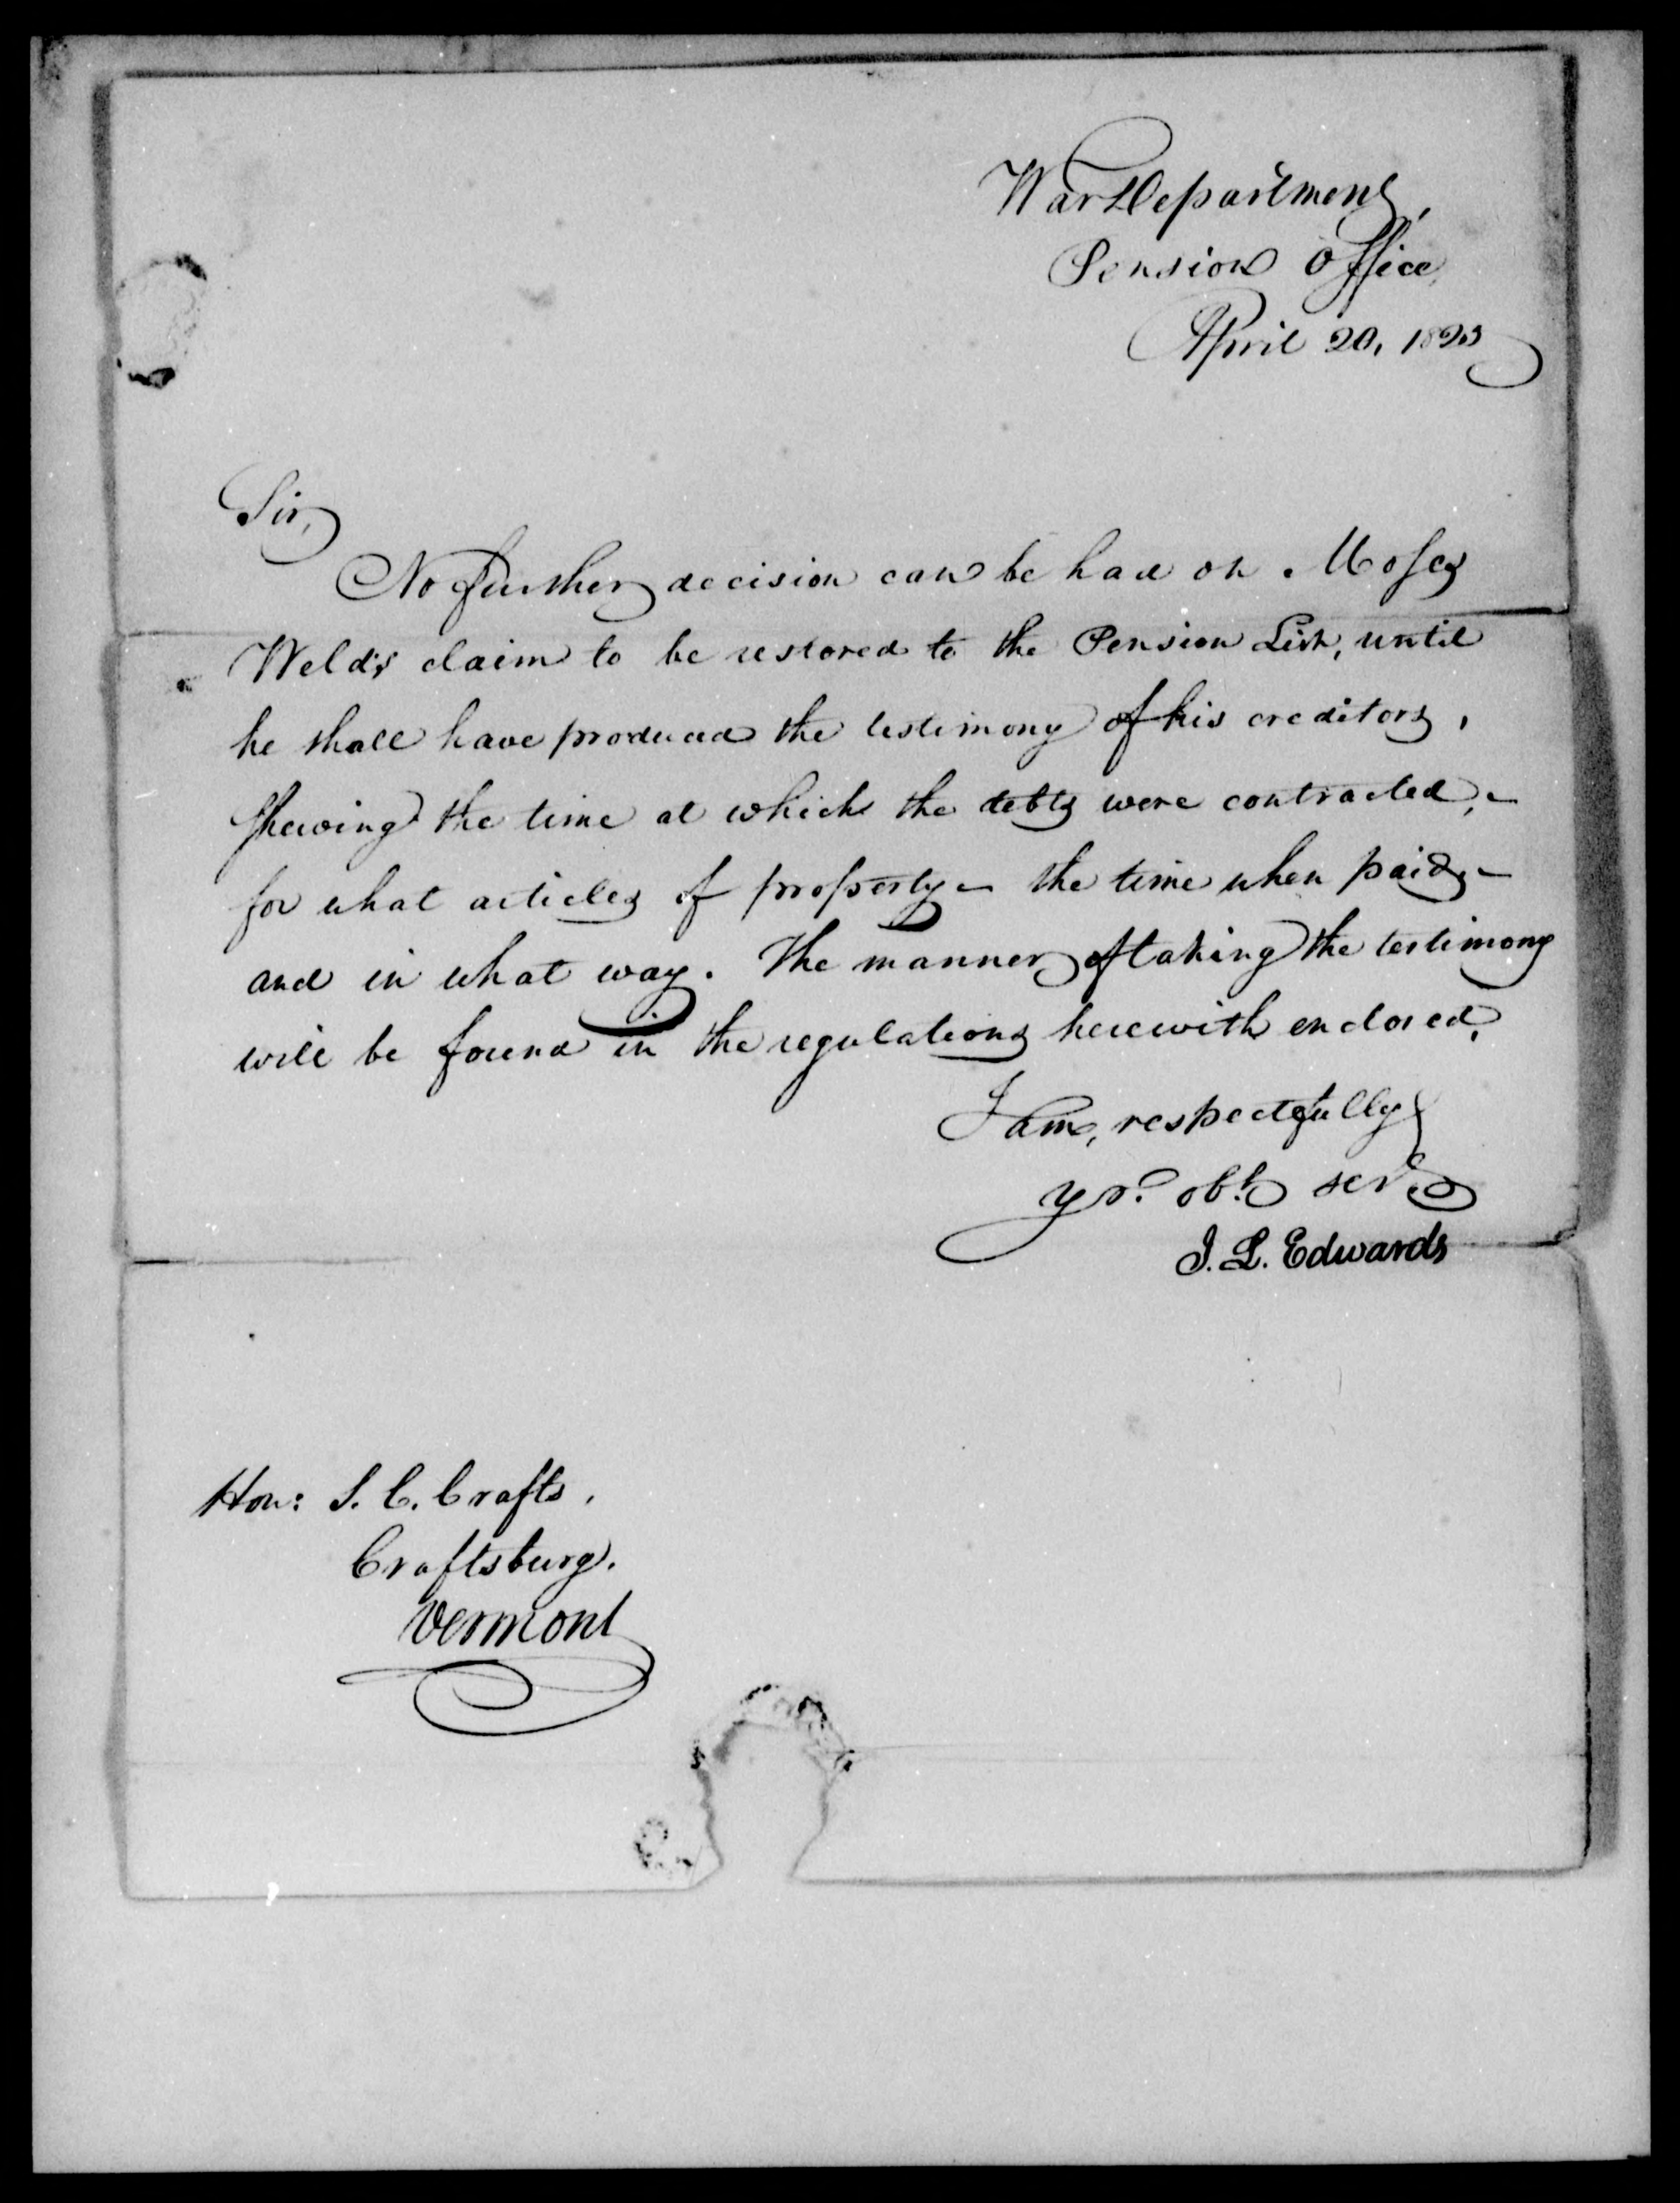War Department
Pension Office
April 20, 1823

Sir,
No further decision can be had on Moses
Weld's claim to be restored to the Pension List, until he shall have produced the testimony of his creditors, shewing the time at which the debts were contracted, for what articles of property-- the time when paid and
in what way. The manner of taking the testimony will be found in the regulations herewith enclosed.
I am, respectfully
Yr. obd. sevt.
J.L. Edwards

Hon: S. C. Crafts
Craftsbury.
Vermont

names: J L Edwards, S C Crafts, Moses Weld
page: 38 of 87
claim: widow's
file: W. 25,966, Moses Weld, Mass.